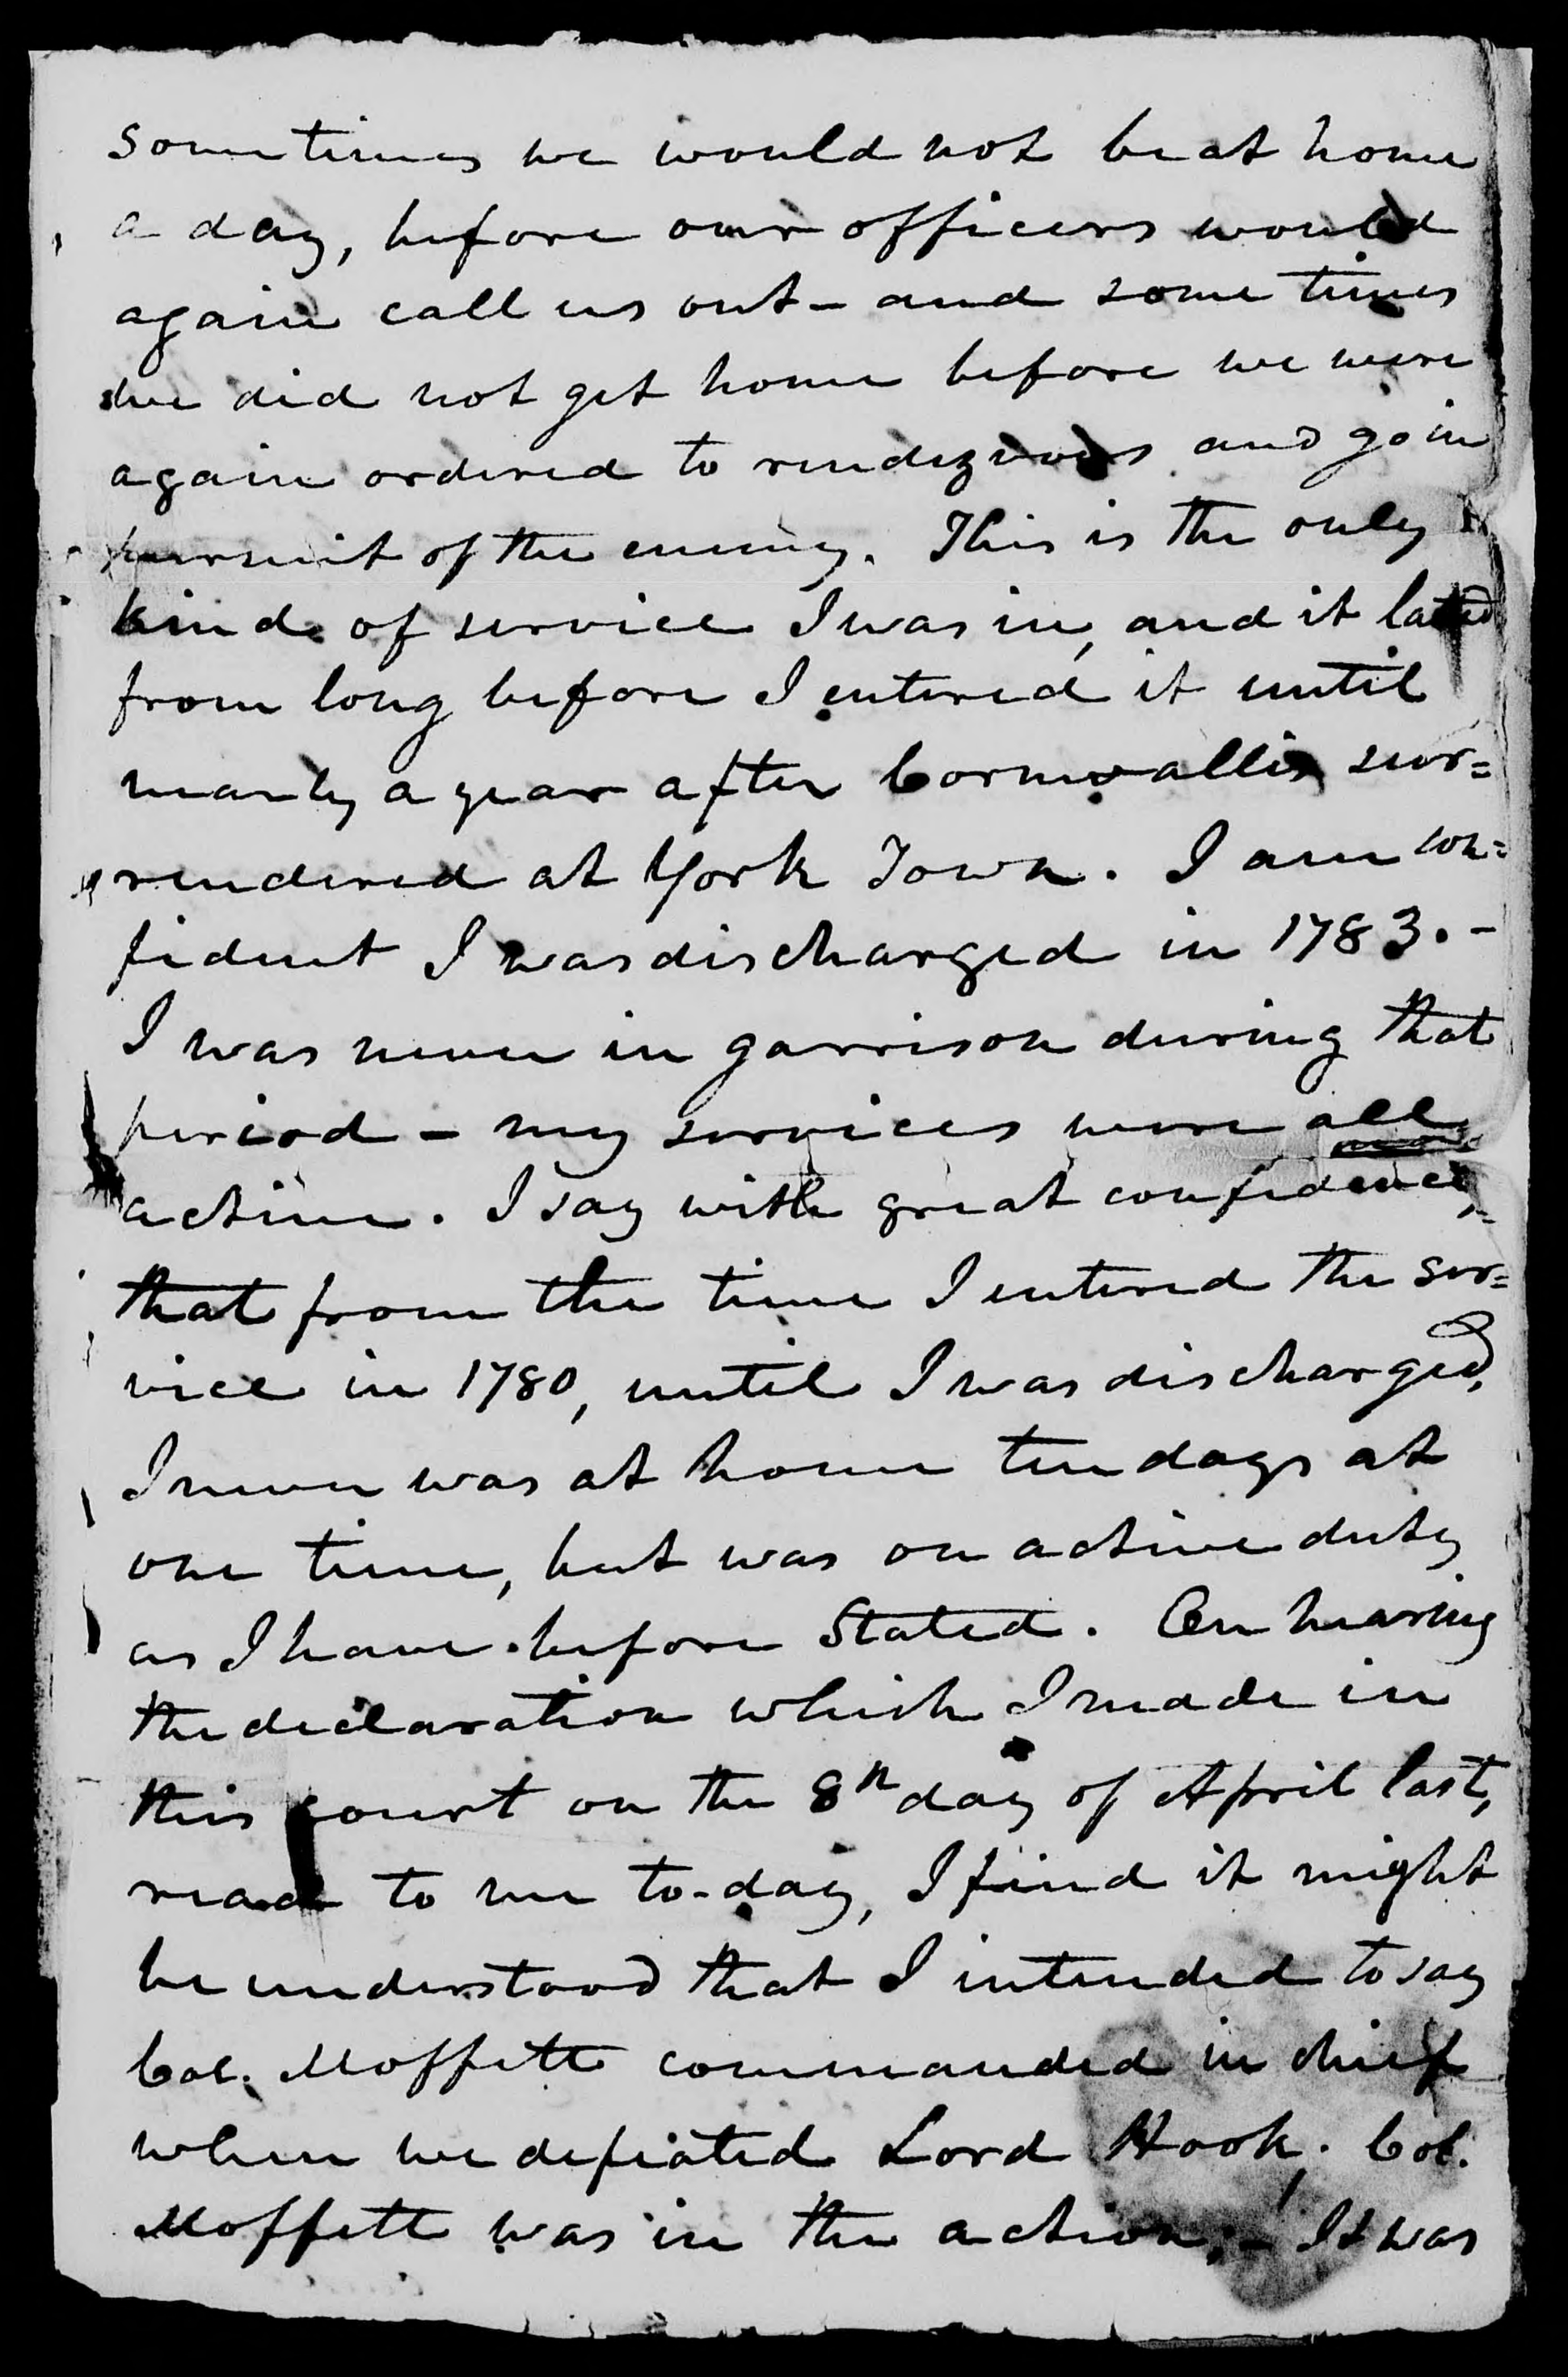sometimes we would not be at home a day, before our officers would again call us out-- and some times we did not get home before we were again ordered to rendezvous and go in pursuit of the enemy. This is the only kind and of service I was in and it and it lasted from long before I entered it until many a year after Cornwallis surrendered at York Town. I am confident I was discharged in 1783.

I was never in garrison during that period - my services were all active. I say with great confidence
that from the time I entered the service in 1780, until I was discharged, I never was at home ten days at one time, but was on active duty I have before stated. On hearing the declaration which I made in this Court on the 8th day of April last, read to me to-day, I find it might be understood that I intended to say Col. Moffett commanded in chief when we defeated Lord Hook. Col. Moffitt was in the action It was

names: Cornwallis, Moffitt, Moffitt, Hook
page: 12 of 48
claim: rejected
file: R. 2173, James P Collins, S. C.